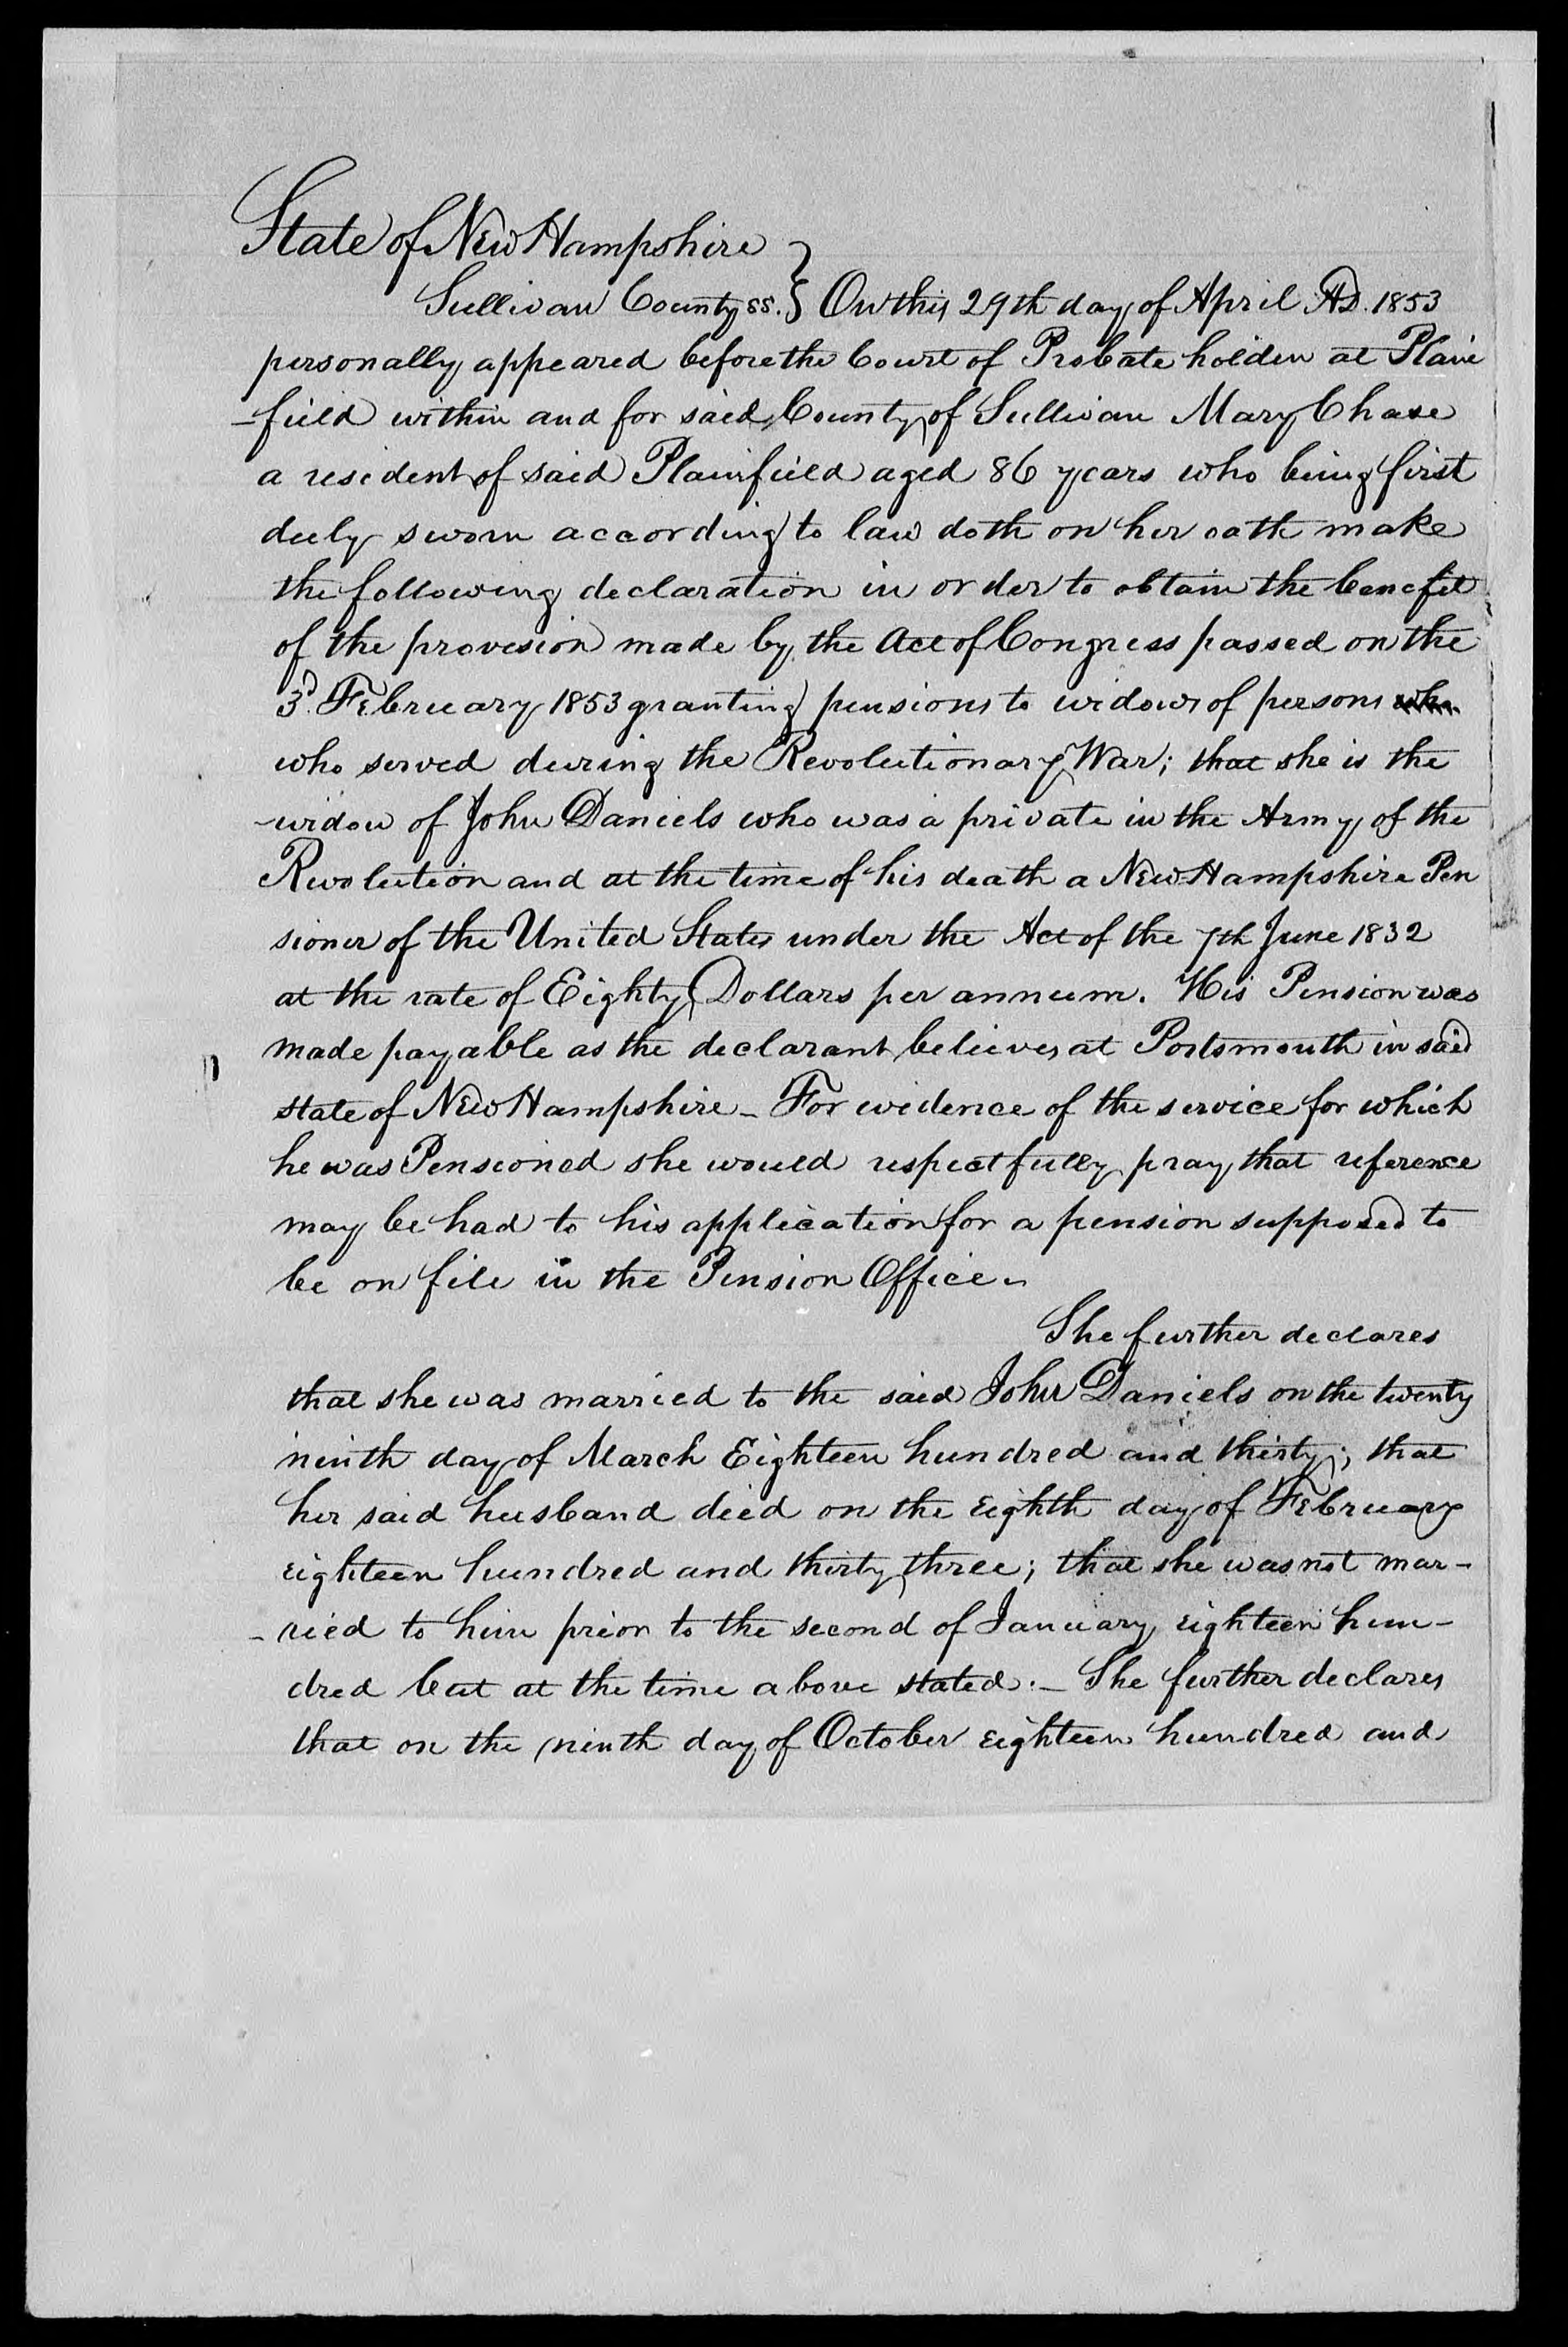State of New Hampshire
Sullivan County SS ⎬ On this 29th day of April AD. 1853 personally appeared before the Court of Probate holden at Plainfield
within and for said County of Sullivan Mary Chase a resident of said Plainfield aged 86 years who being first duly sworn according to law doth on her oath make the following declaration in order to obtain the benefit
of the provision made by the Act of Congress passed on the 3d February 1853 granting pensions to widows of persons who served during the Revolutionary War; that she is the
widow of John Daniels who was a private in the Army of the Revolution and at the time of his death a New Hampshire Pensioner
of the United States under the Act of the 7th June 1832 at the rate of Eighty Dollars per annum. His pension was made payable as the declarant believes at Portsmouth in said State of New Hampshire- For evidence of the service for which he was pensioned she would respectfully pray that reference
may be had to his application for a pension supposed to be on file in the Pension Office-
She further declares that she was married to the said John Daniels on the twenty
ninth day of March Eighteen hundred and thirty; that her said husband died on the Eighth day of February Eighteen hundred and thirty three; that she was not married
to him prior to the second of January Eighteen hundred but at the time above stated. She further declares that on the ninth day of October Eighteen hundred and
[end of page]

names: John Daniels, John Daniels, Mary Chase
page: 7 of 43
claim: widow's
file: W 683, John Daniels, Continental Mass. N.H.